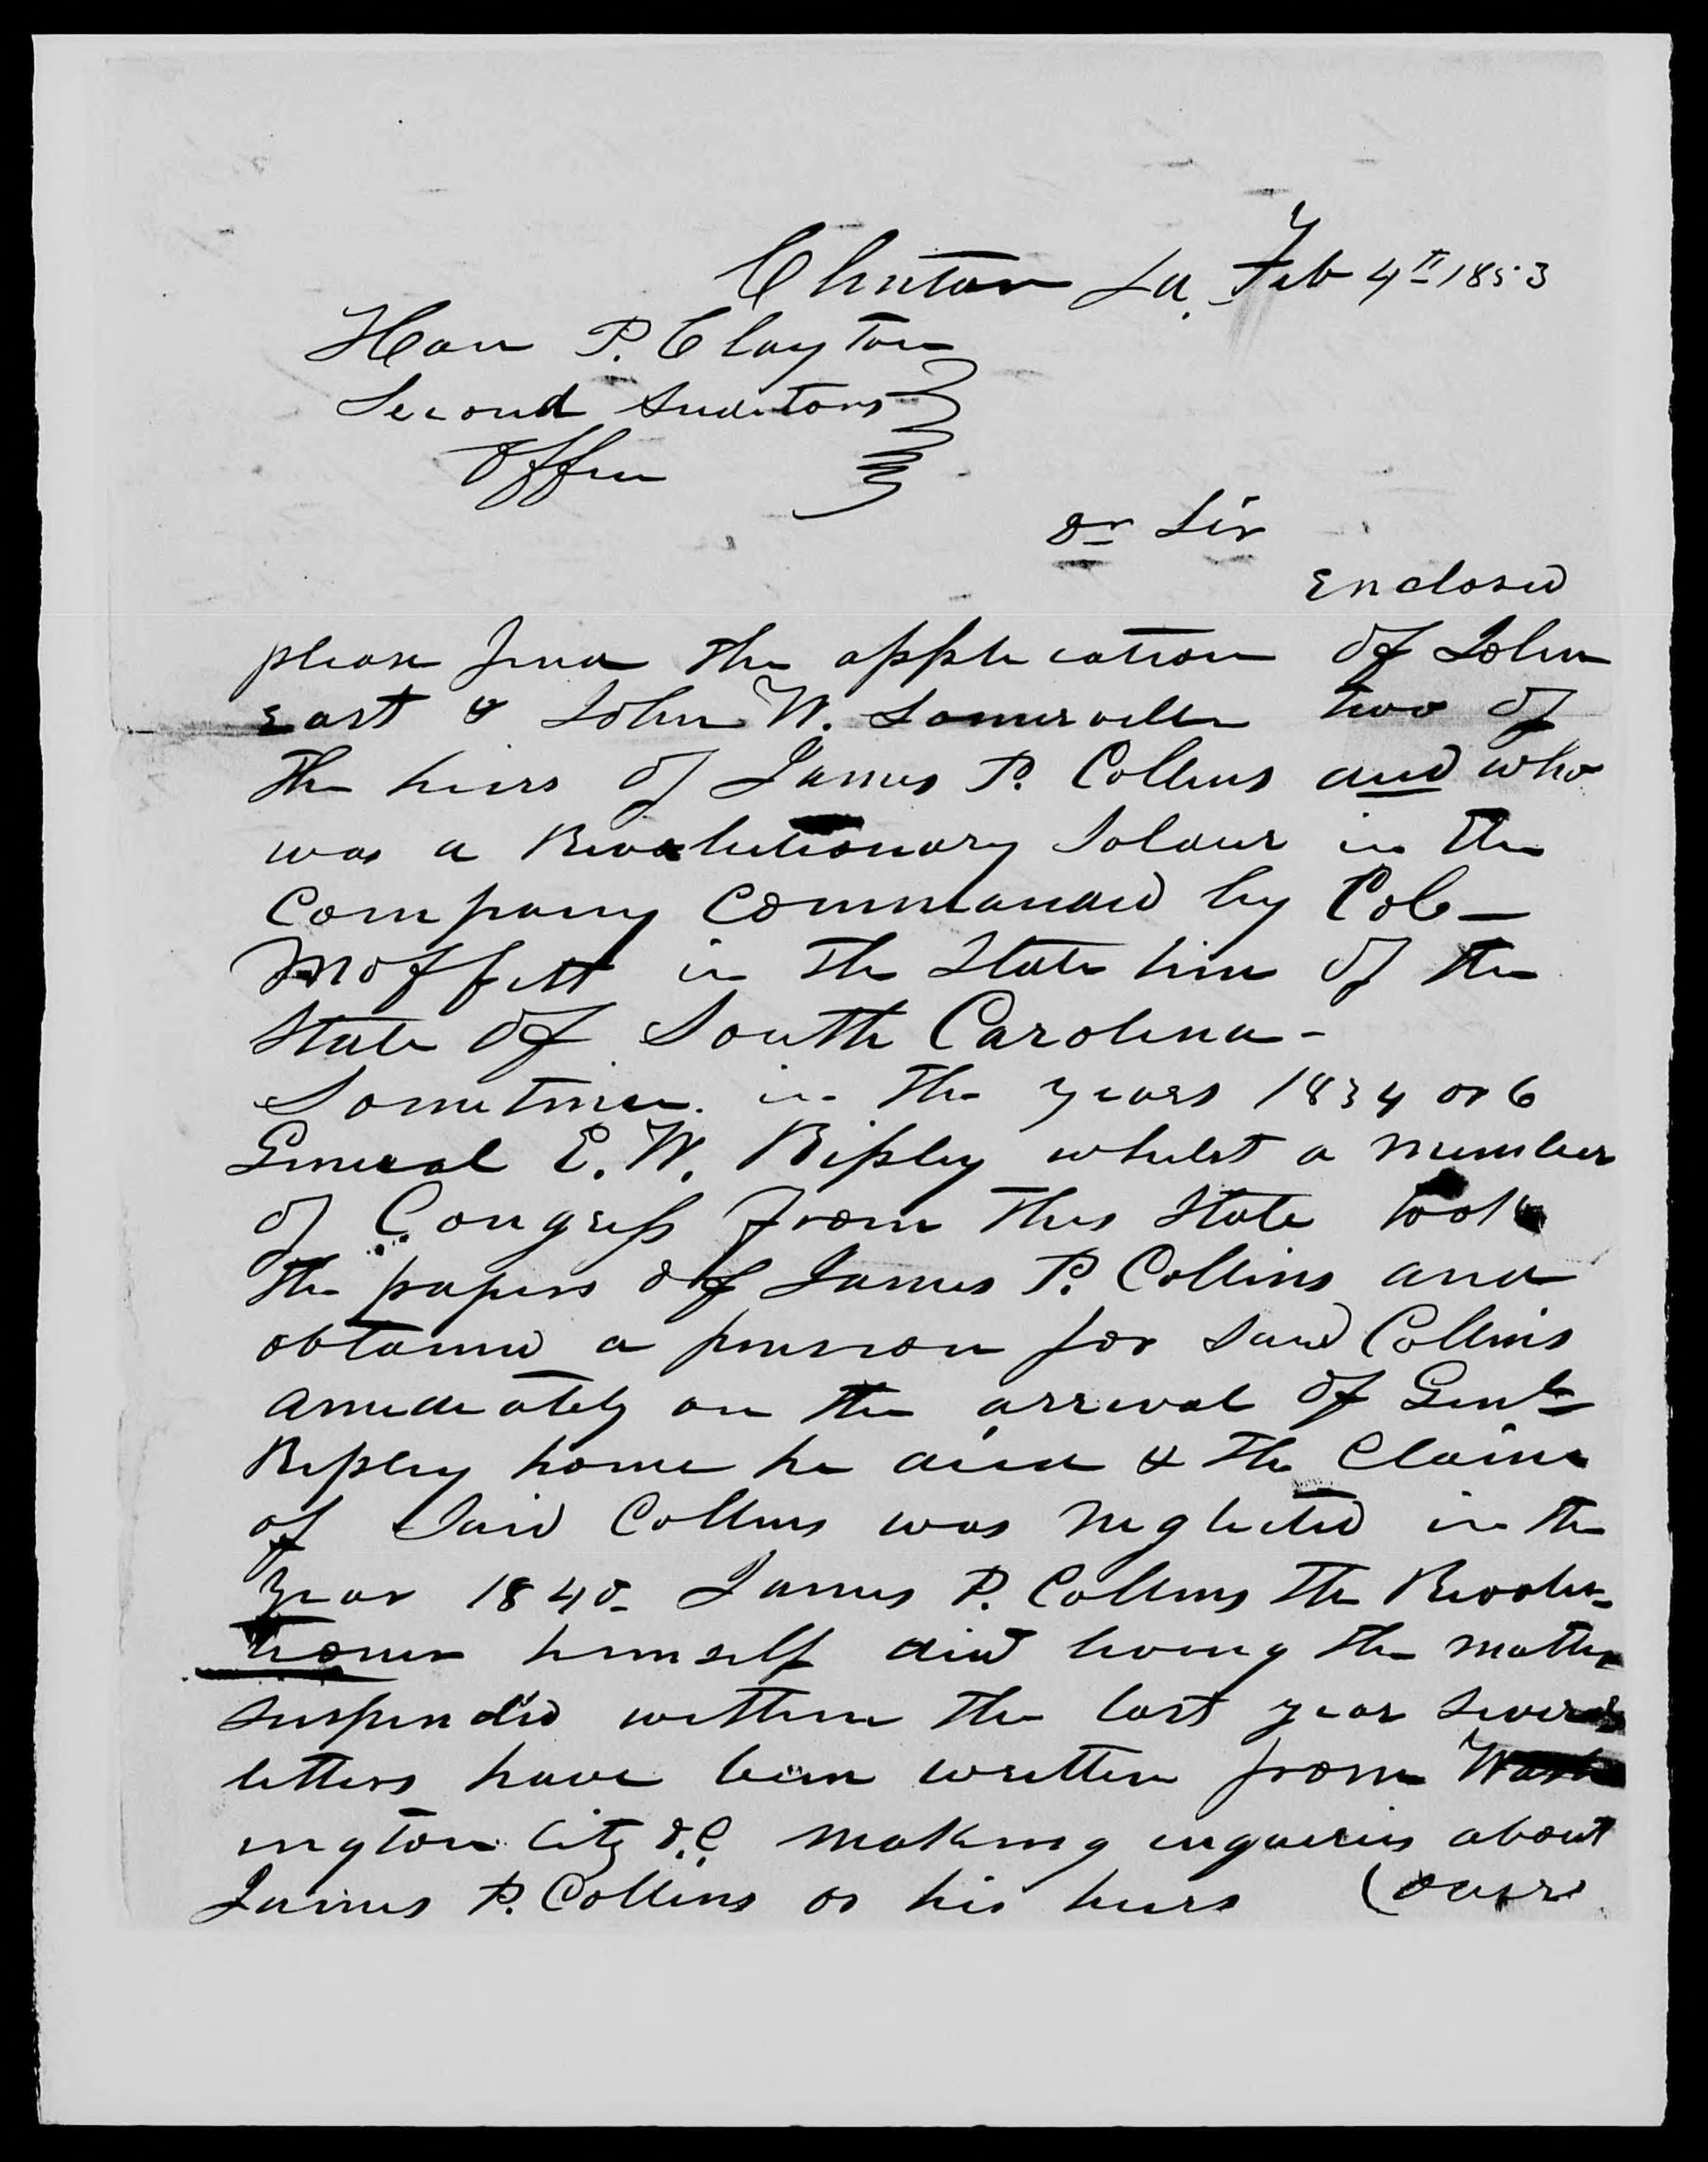Clinton La Feb 4th 1853

Hon P. Clayton
Second Auditors office

Dr Sir
Enclosed please find the applications of John East & John W. Somerville two of the heirs of James S. Collins dcd who was a Revolutionary Soldier in the company commanded by Col Moffitt in the State line of the State of South Carolina-

Sometime in the year 1834 or 6 General E.W. Ripley whilst a member of Congress from this State took the papers of James P. Collins and obtained a pension for said Collins, immediately on the arrival of Genl Riply home he died & the claim of said Collins was neglected in the year 1840 James P. Collins the Revolutionary himself [illegible] having the matter Suspended within the last year several letters have been written from Washington City be making inquiries about James P. Collins or his heirs
over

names: P Clayton, Moffitt, James P Collins, James P Collins, Ripley, John East, John W Somerville, E W Ripley, Collins, Collins, James P Collins, James P Collins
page: 22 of 48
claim: rejected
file: R. 2173, James P Collins, S. C.